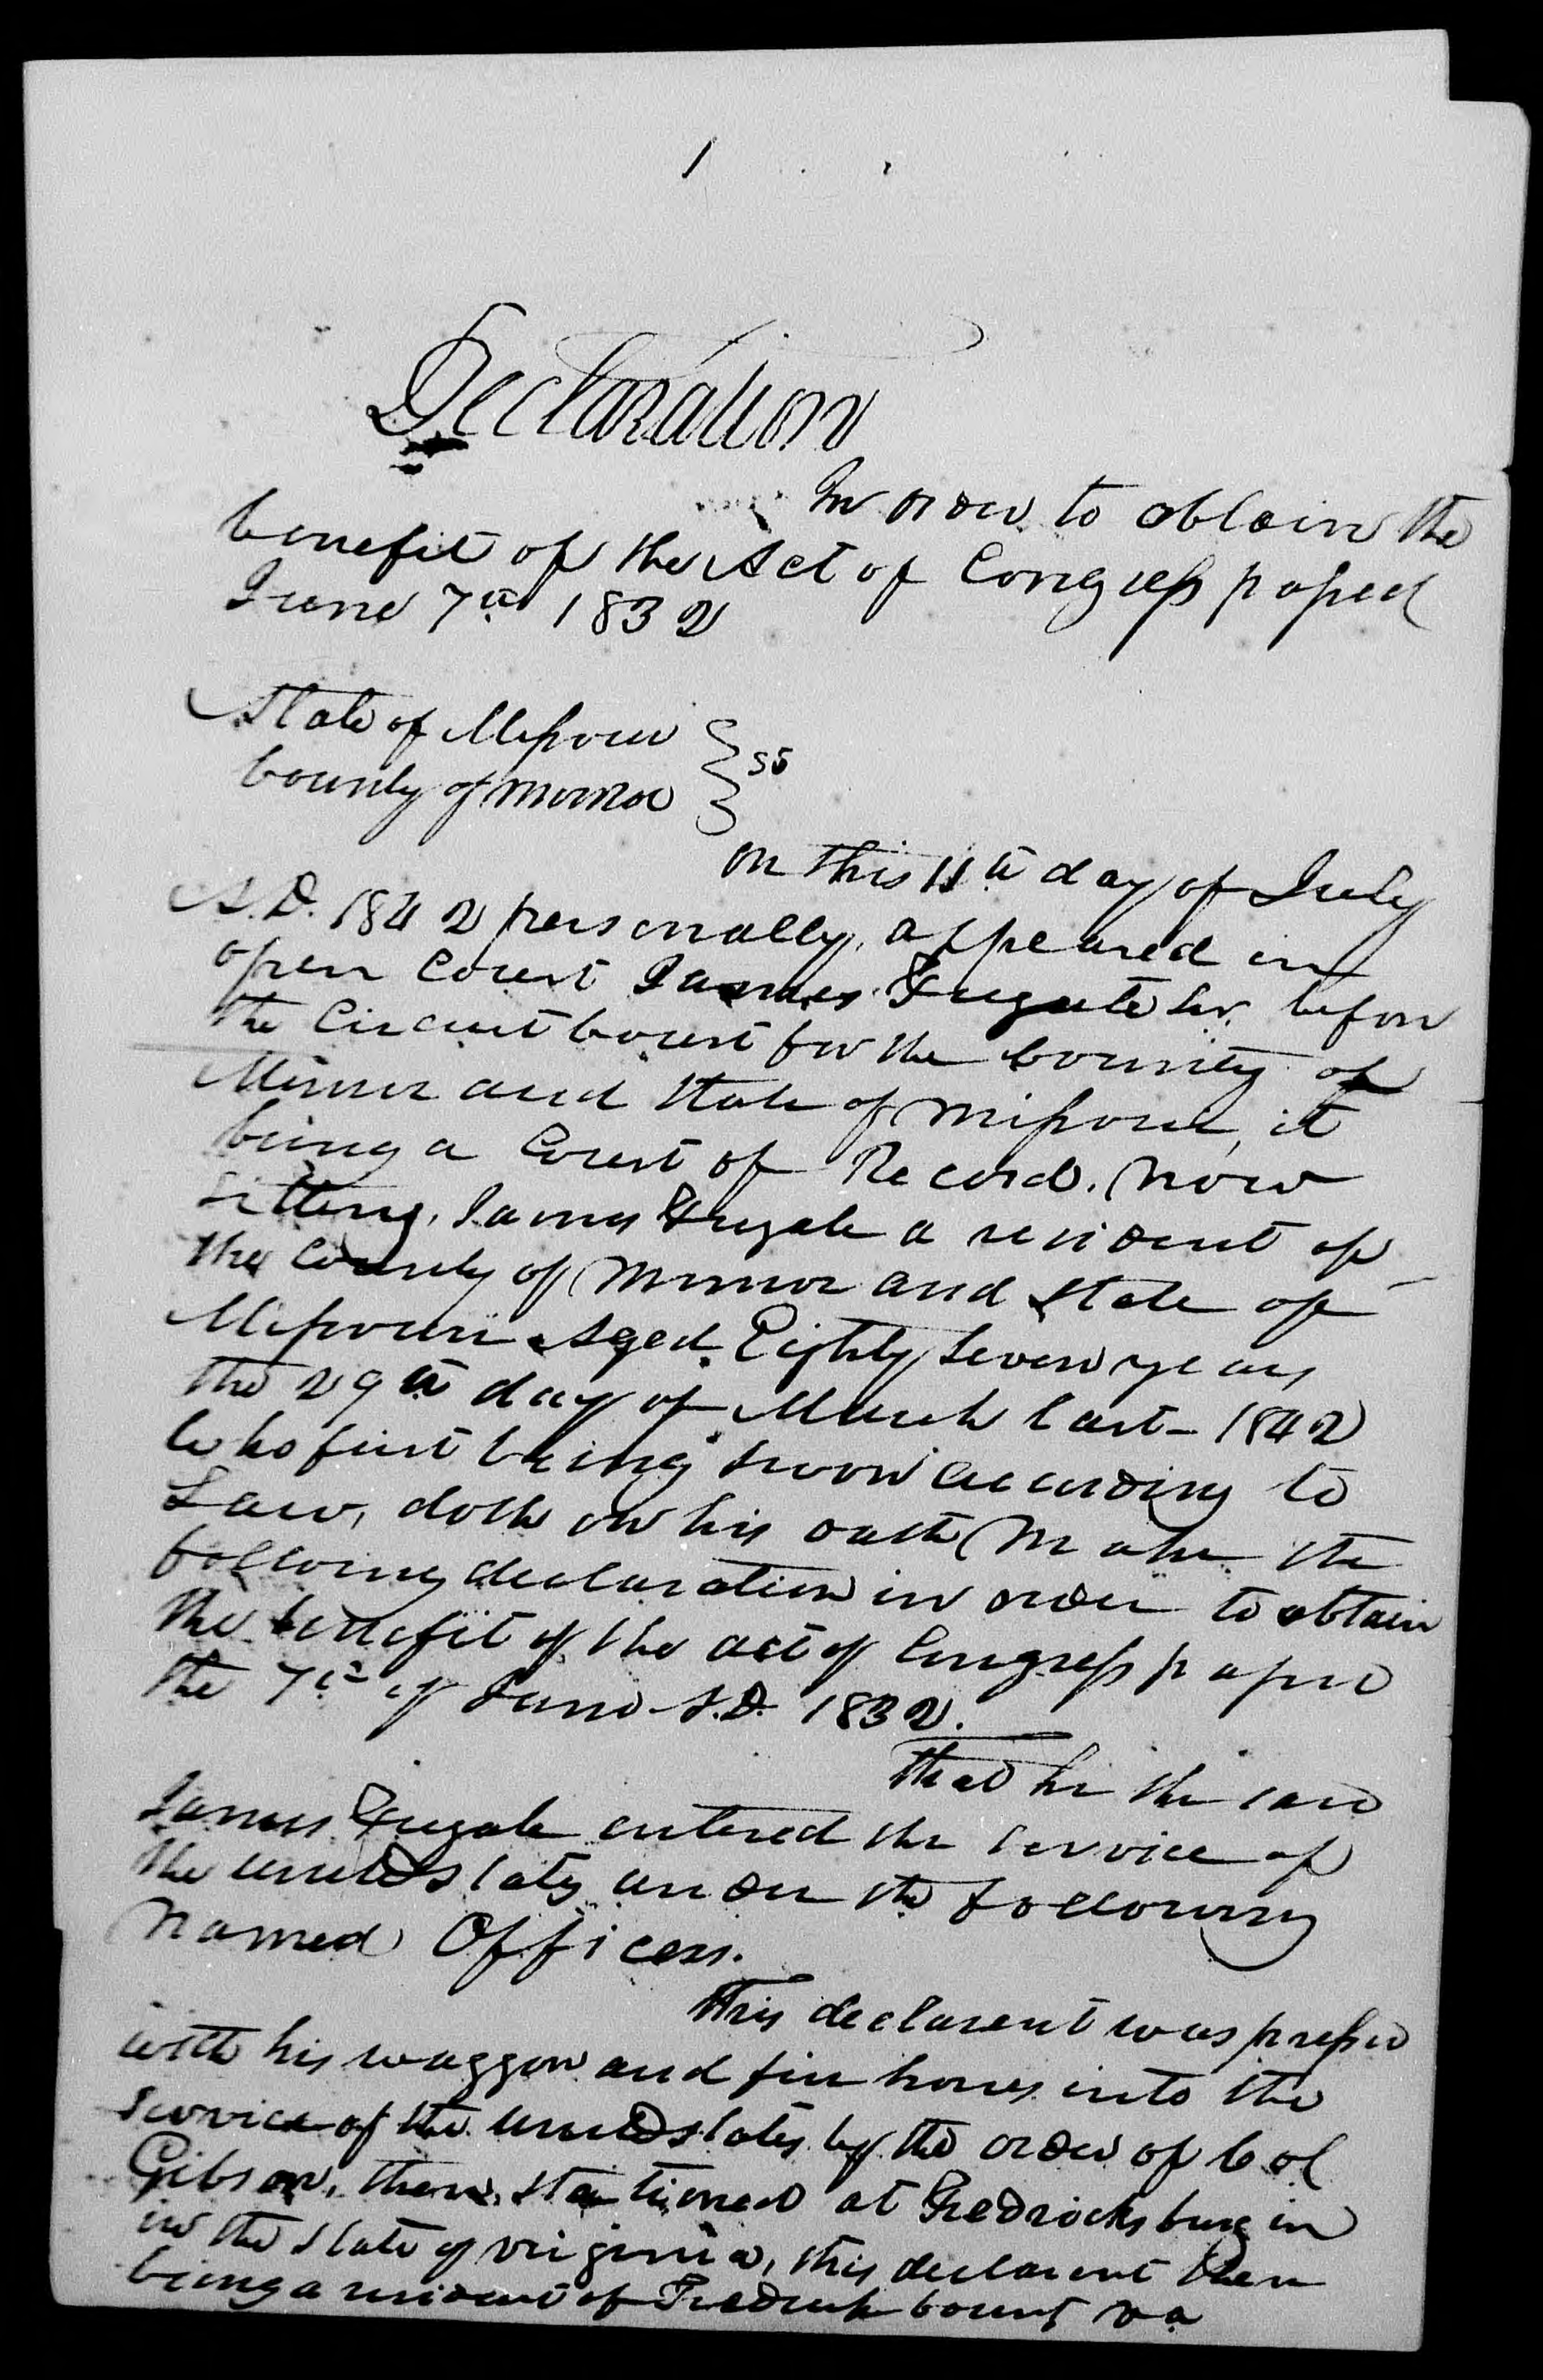Declaration in order to obtain the benefit of the Act of Congress passed June 7th 1832
State of Missouri County of Monroe sd [said] 
on this 11th day of July S.D. 1842 personally appeared in open court James Fugate sen. before the circuit court for the county of Monroe and State of Missouri, it being a court of the Monroe now sitting James Fugate a resident of the county of Monroe and state of Missouri. Aged Eighty Seven years this 29th day of March last - 1842. Who first being sworn according to Law, doth in his oath make the following declaration in order to obtain the benefit of the act of congress passed the 7th of June S.D. 1832.

That hr the man James Fugate entered the service of the unitedstates under the following named officers. 

This declarent was pressed with his waggon and five horses into the service of the unitedstates by the order of Col. Gibson, then stationed at Fredricksburg in in the state of virginia, this declarent then being a resident of Fredrick county va.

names: Gibson, James Fugale, James Fugate, James Fugale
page: 4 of 18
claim: survivor's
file: S. 15,846, James Fugate, Va.